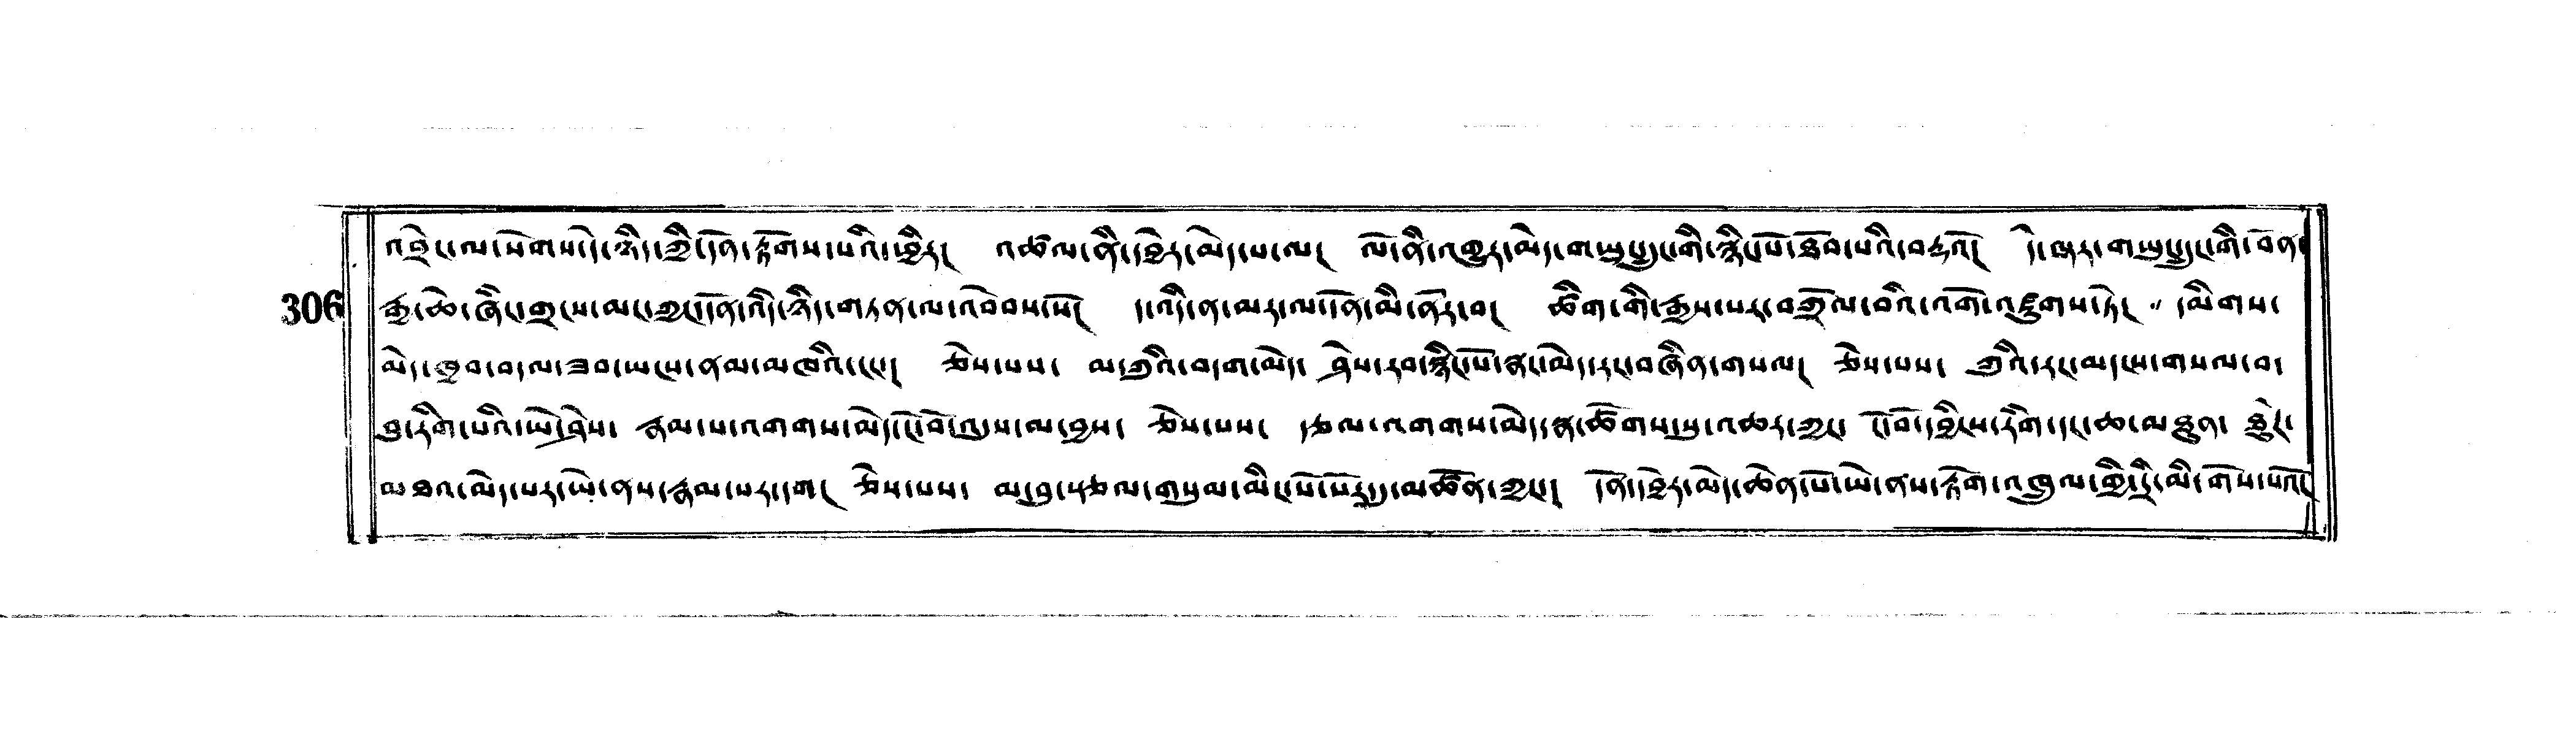འབྲེང་ལ་སོགས་དེ་ཉིད་ཀྱི་དོན་རྟོགས་པའི་ཕྱིར། འཚལ་ནི་དབྱེར་མེད་པ་ལ། ལོ་འགྱུར་མེད་གཡུང་དྲུང་གི་སྙིང་པོ་ཐོབ་པའི་བརྡའོ། དེ་ལྟར་གཡུང་དྲུང་གི་བོན་
རྒྱ་ཆེ་ཞིང་གྲངས་མང་ཡང་དོན་འདི་ཉིད་གཏན་ལ་འབེབས་སོ། ད་འདི་ནས་མར་ལ་དོན་མི་ནོར་བ། ཚིག་གི་རྒྱས་པར་བཀྲོལ་བའི་འགོ་འཛུགས་ཏེ། དམིགམས་
མེད་ཁྱབ་བདལ་ཟབ་ཡངས་ནམ་མཁའི་ངང་། ཅེས་པས། མ་ཀུའི་བདག་མེད། ཤེས་རབ་སྙིང་པོ་ཟག་མེད་རང་བཞིན་གསལ། ཅེས་པས། ཀུའི་རང་མདངས་གསལ་བ་
བུ་རིག་པའི་ཡེ་ཤེས། རྣམ་པ་འགག་མེད་ངོ་བོ་འདུས་མ་བྱས། ཅེས་པས། རྩལ་འགག་མེད་སྣ་ཚོགས་སུ་འཆར་ཀྱང་། ངོ་བོ་དབྱིངས་རིག་དང་ཆ་མཐུན། ཐུགས་
མཐའ་མེད་པར་ཡེ་ནས་རྣམ་པར་དག ཅེས་པས། མ་བུ་རྩལ་གསུམ་མིང་སོ་སོར་དུ་མཚོན་ཀྱང་། དོན་དབྱེར་མེད་ཆེན་པོ་ཡེ་ནས་རྟོག་འཁྲུལ་གྱི་དྲི་མས་མ་གོས་པའོ།